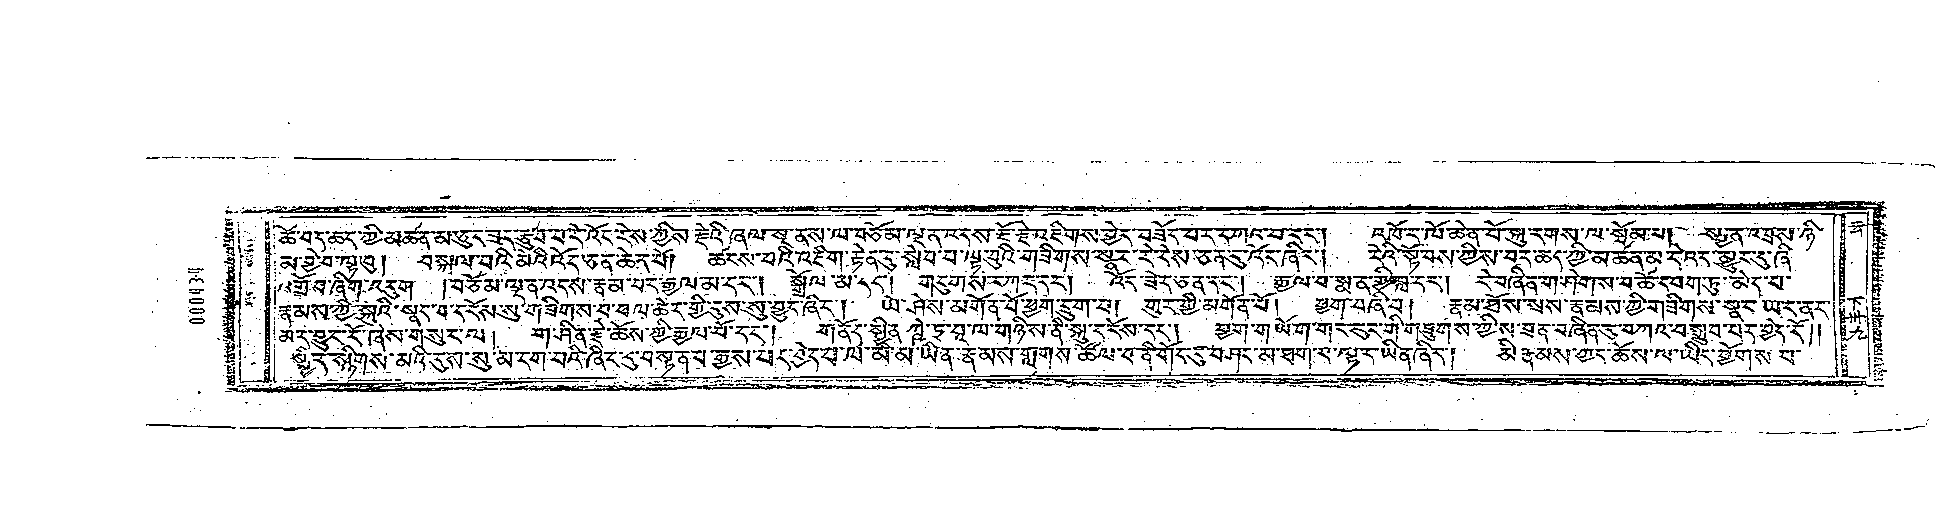ཚེ་བར་ཆད་ཀྱི་མཚན་མ་ཅུང་ཟད་རྩུབ་པ་རེ་འོང་རེས་ཀྱིས་རྗེའི་ཞལ་སྔ་ནས་ལ་བཅོམ་ལྡན་འདས་རྡོ་རྗེ་འཇིགས་བྱེད་བཟོད་པར་དཀའ་བ་དང་། འཁོར་ལོ་ཆེན་པོ་སྐུ་རགས་ལ་སྦོམ་པ། སྤྱན་འབྲས་ཉི་
མ་བྱེ་བ་ལྟ་བུ། བསྐལ་པའི་མེའི་འོང་ཅན་ཆེན་པོ། ཚངས་པའི་འཇིག་རྟེན་དུ་སླེབ་པ་ལྟ་བུའི་གཟིགས་སྣང་རེ་ངེས་ཅན་དུ་འོང་ཞིང་། དེའི་སྟོབས་ཀྱིས་བར་ཆད་ཀྱི་མཚན་མ་དེའང་མྱུར་དུ་ཞི་
འགྲོ་བ་ཞིག་འདུག །བཅོམ་ལྡན་འདས་རྣམ་པར་རྒྱལ་མ་དང་། སྒྲོལ་མ་དང་། གདུགས་དཀར་དང་། འོད་ཟེར་ཅན་དང་། རྒྱལ་བ་སྨན་གྱི་བླ་དང་། དེ་བཞིན་གཤེགས་པ་ཚེ་དཔག་ཏུ་མེད་པ་
རྣམས་ཀྱི་སྐུའི་སྣང་བ་དངོས་སུ་གཟིགས་བ་ཕལ་ཆེར་གྱི་དུས་སུ་བྱུང་ཞིང་། ཡེ་ཤེས་མགོན་པོ་ཕྱག་དྲུག་པ། གུར་གྱི་མགོན་པོ། ཕྱག་བཞི་པ། རྣམ་ཐོས་སྲས་རྣམས་ཀྱི་གཟིགས་སྣང་ཡང་ནང་
མར་བྱུང་ངོ་ཞེས་གསུང་ལ། གཤིན་རྗེ་ཆོས་ཀྱི་རྒྱལ་པོ་དང་། གནོད་སྦྱིན་ཀྵེ་ཏྲ་པཱ་ལ་གཉིས་ནི་སྐུ་དངོས་དང་། ཕྱག་གཡོག་གང་རུང་གི་གཟུགས་ཀྱིས་བྲན་བཞིན་དུ་བཀའ་བསྒྲུབ་པར་བྱེད་དོ།།
སྤྱིར་སྙིགས་མའི་དུས་སུ་མ་ངག་པའི་ཞིང་དུ་བསྟན་པ་རྒྱས་པར་བྱེད་པ་ལ་མ་མ་ཡིན་རྣམས་གླགས་ཆོས་བ་ནི་གོང་དུ་བཤད་མ་ཐག་བ་ལྟར་ཡིན་ཞིང་། མི་རྣམས་ཀྱང་ཆོས་ལ་ཡིད་ཕྱོགས་བ་